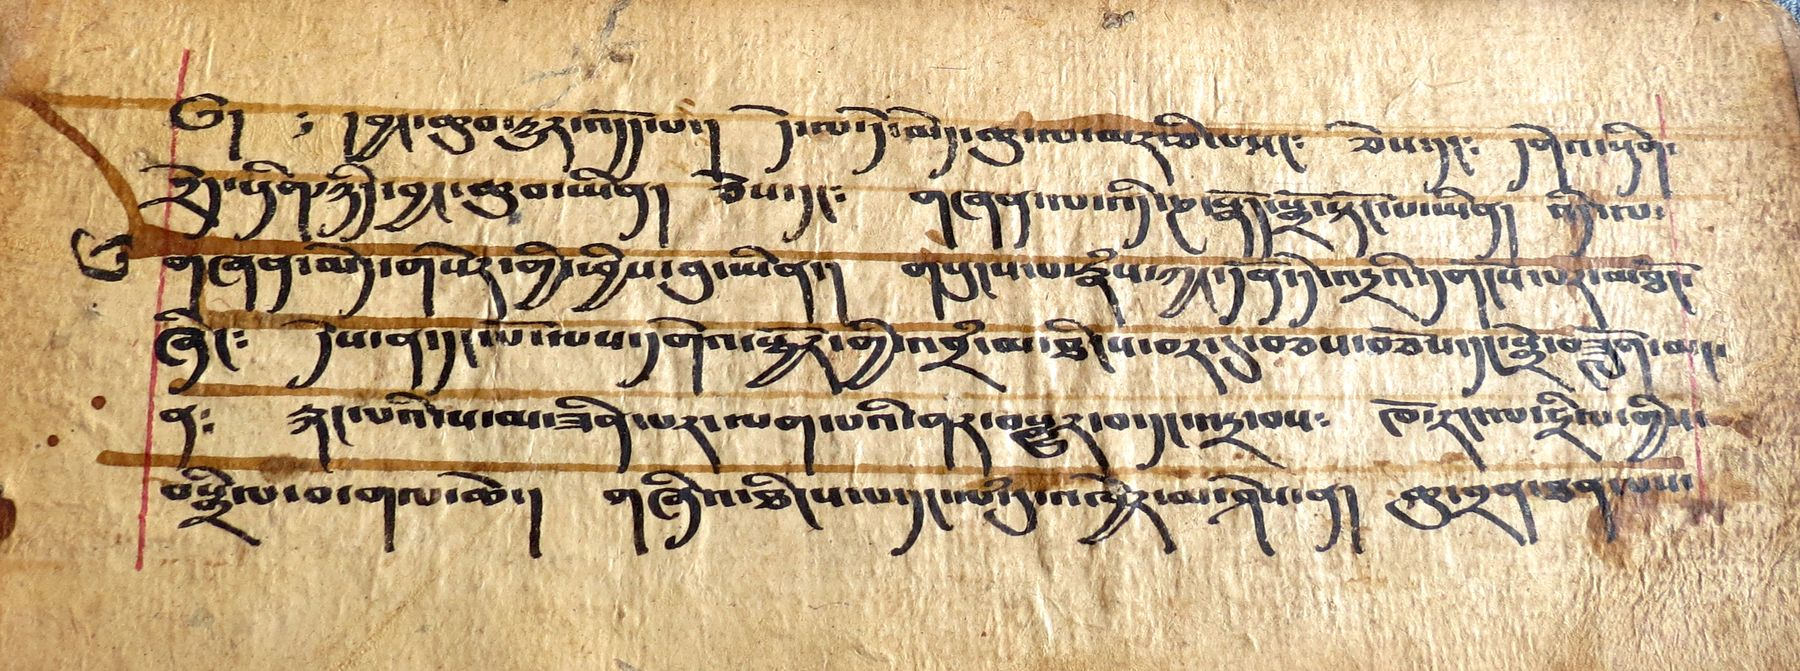བྱང་ཆུབ་རྒྱུར་འདོད་པ། དེ་ལ་དེ་མིན་ཆུ་ལ་མར་ཅི་ཨང་། ཅེས་དང་། དགེ་སྡིག་
གཉིས་མེད་སྡིག་ཉིད་བྱང་ཆུབ་ཡིན། ཞེས་དང་། གཞན་ལ་འདི་མེད་སྣོད་སྒྲོ་སྟོང་པ་ཡིན། འདི་ལ་
གཞན་མེད་གསེར་གྱི་ཕྱིས་བུ་ཡིན། གསུངས་པ་རྣམས་ཀྱང་དོན་དེ་འདྲའི་དགོངས་པ་མཐོང་
ཞིང་། དེས་ན་ལས་དང་པོ་ལས་དགེ་སྦྱོར་གྱི་འགྲམ་མ་ཐིང་བར་དུ་བཅས་བཅོས་བསྒྲེ་བཟློག་མང་
ན་རྐང་པས་ས་མ་ཟིན་པར་ལག་པས་གར་བསྒྱུར་བ་དང་འདྲ་བས། ཁོ་རང་ལ་ཧྲིལ་གྱིས་
འདྲིལ་བ་གལ་ཆེ། གཞི་ཐིང་པ་དང་། ལམ་དུ་ཁྱེར་མ་ཤེས་ན། ཆུ་ཕྲན་ཐན་པས་